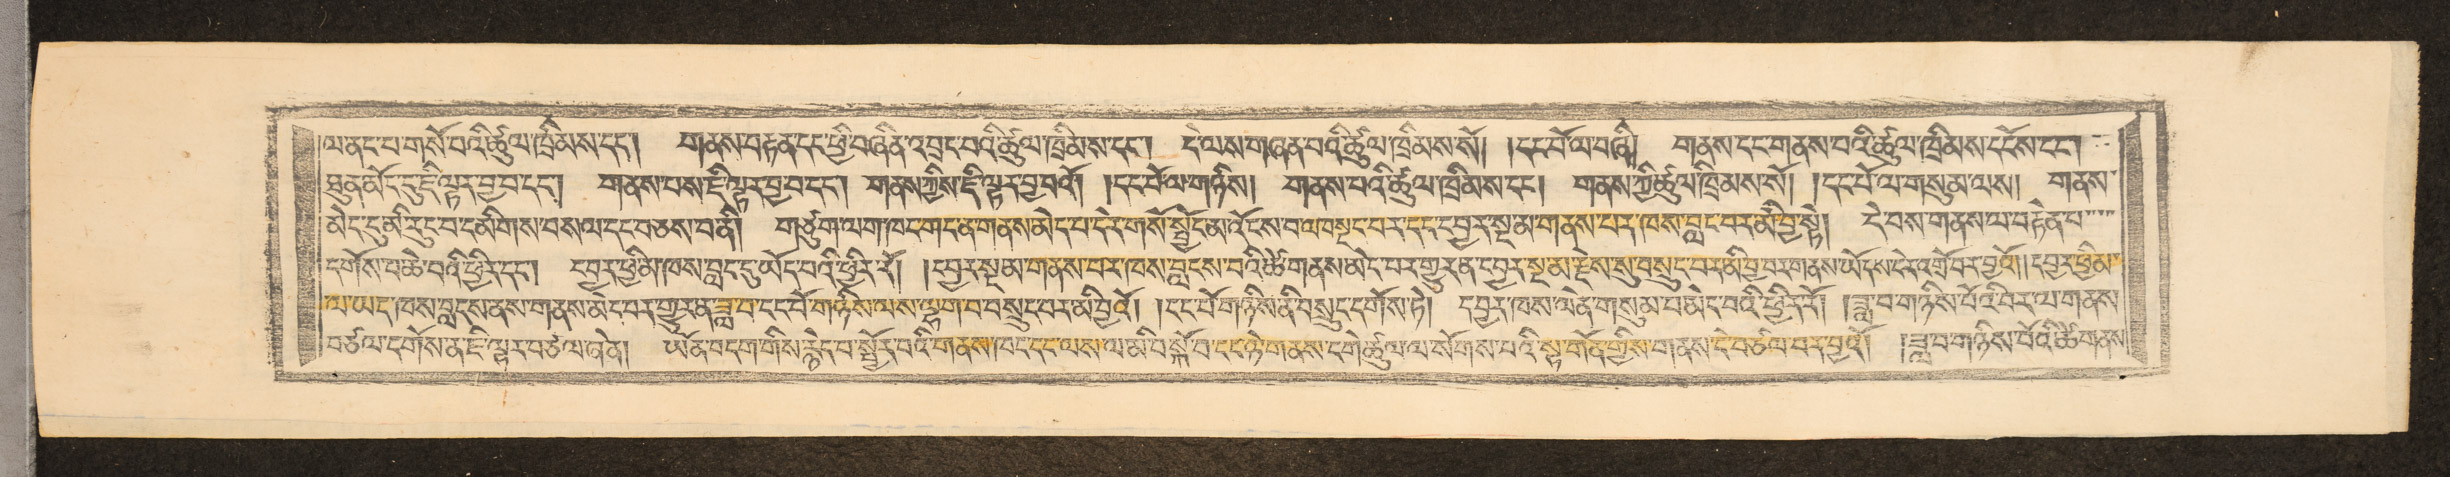ལ་ནང་པ་གསོ་བའི་ཚུལ་ཁྲིམས་དང་། གནས་བརྟན་དང་ཕྱི་བཞིན་འབྲད་བའི་ཚུལ་ཁྲིམས་དང་། དེ་ལས་གཞན་པའི་ཚུལ་ཁྲིམས་སོ། །དད་པོ་ལ་བཞི། གནས་དང་གནས་པའི་ཚུལ་ཁྲིམས་དངོས་དང་།
ཐུན་མོང་དུ་ཇི་ལྟར་བྱ་བ་དང་། གནས་པས་ཇི་ལྟར་བྱ་བ་དང་། གནས་ཀྱིས་ཇི་ལྟར་བྱ་བའོ། །དད་པོ་ལ་གཉིས། གནས་པའི་ཚུལ་ཁྲིམས་དང་། གནས་ཀྱི་ཚུལ་ཁྲིམས་སོ། །དད་པོ་ལ་གསུམ་ལས། གནས་
མེད་དུ་མི་རུང་བ་དམིགས་བསལ་དང་བཅས་པ་ནི། གཙུག་ལག་ཁང་གདན་གནས་མེད་པ་དེར་གསོ་སྤྱོད་མ་འོངས་པ་ལ་བསྡད་པར་དད་དབྱར་སྔ་མ་གནས་པར་ཁས་བླང་བར་མི་བྱ་སྟེ། དེ་བས་གནས་ལ་བརྟེན་པ་
དགོས་པ་ཆེ་བའི་ཕྱིར་དང་། དབྱར་ཕྱི་མ་ཁས་བླང་དུ་ཡོད་པའི་ཕྱིར་རོ། །དབྱར་སྔ་མ་གནས་པར་ཁས་བླངས་པའི་ཚེ་གནས་མེད་བར་གྱུར་ན་དབྱར་སྔ་མ་རྗེས་སུ་བསྲུང་བར་མི་བྱ་བར་གནས་ཡོངས་དེར་འགྲོ་བར་བྱའོ། །དབྱར་ཕྱི་མ་
ལ་ཡང་ཁས་བླངས་ནས་གནས་མེད་པར་གྱུར་ན་ཟླ་བ་དང་བོ་གཉིས་ལས་ལྷག་པ་བསྲུང་བར་མི་བྱའོ། །དང་པོ་གཉིས་ནི་བསྲུང་དགོས་ཏེ། དབྱར་ཁས་ལེན་གསུམ་པ་མེད་པའི་ཕྱིར་རོ། །ཟླ་པ་གཉིས་པོའི་བར་ལ་གནས་
བཙལ་དགོས་ན་ཇི་ལྟར་བཙལ་ཞེ་ན། ཡོན་བདག་གིས་རྙེད་པ་སྦྱོར་བའི་གནས་ཁང་དང་ལས་ལ་མི་བསྐོ་བ་དང་ཉེ་གནས་དགེ་ཚུལ་ལ་སོགས་པའི་སྟ་གོན་གྱིས་གནས་དེ་བཙལ་བར་བྱའོ། །ཟླ་བ་གཉིས་བོའི་ཚེ་གནས་